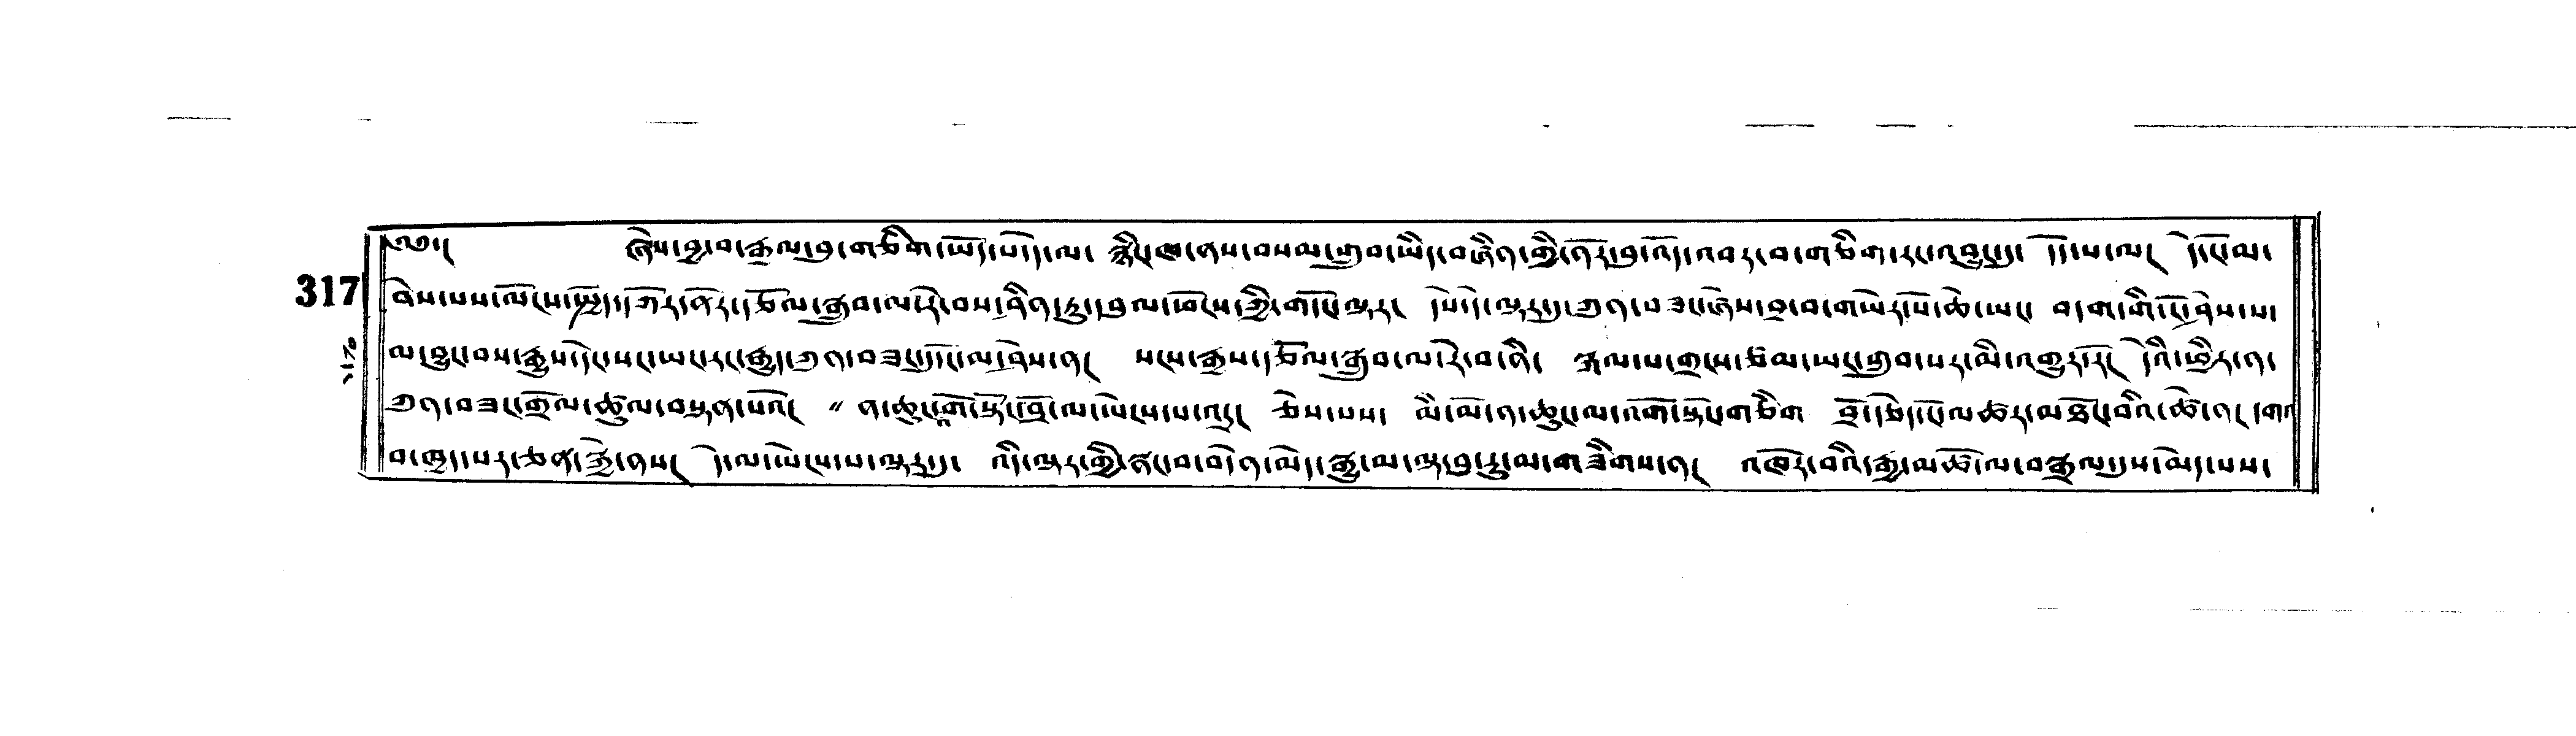ཞེས་བྱ་བ་རྒྱལ་བུ་ཅིག་ཡོད་པ་དེ་ལ། སྙིང་ཁ་ནས་བསམ་འགྲུབ་ཡིད་བཞིན་གྱི་ནོར་བུ་འོད་འབར་བ་ཞིག་རང་འབྱུང་དུ། དོད་པ་ལ། དེ་ངོ་མ་
ཤེས་པས་ལོངས་སྤྱོད་དཀོར་ནོར་རྩོལ་སྒྲུབ་ལ་རེ་བས་ཤིན་ཏུ་དབུལ་ཕོངས་ཀྱི་གདོང་༼གདུང༽ལྟར། དཔེ་དེ་ལྟར་དུ་ཀུན་བཟང་ཞེས་བྱ་བ་གཡེར་པོ་ཆེ་ཡང་། བདག་གི་ངོ་ཤེས་པ་
མ་བྱུང་བས་རྒྱུས་དེང་སང་ཡང་རང་རྒྱུད་ཀུན་བཟང་དུ་ངོ་མ་ཤེས་ན། སངས་རྒྱས་རྩོལ་སྒྲུབ་ལ་རེ་བ་ནི། བསྐལ་པ་གྲངས་ཙམ་ཡང་གྲུབ་པར་མི་འགྱུར་རོ། དེའི་ཕྱིར་ན་
ཀུན་བཟང་གྲོལ་ཚུལ་བསྟན་པའོ། ན་ཆུང་འགོ་སྟོང་བྲོ་མ་ཡེངས་པ་འདྲ། ཅེས་པས། མི་མོ་ན་ཆུང་མ་འགོ་སྟོང་གཅིག། བྲོ་རྩེད་ངོ་མཚར་མཐོང་བའི་ཚེ་ན་དགའ་བ་
ཁྱད་པར་ཅན་སྐྱེ་ན། དེ་མ་ཡེངས་པ་ལྟར་དུ། འདི་ལྟར་སྒྱུ་མ་ལྟ་བུ་རུ་མ་གཟིགས་ན། འཁོར་བའི་རྒྱ་མཚོ་བསྒྲལ་དུ་མེད་པས་